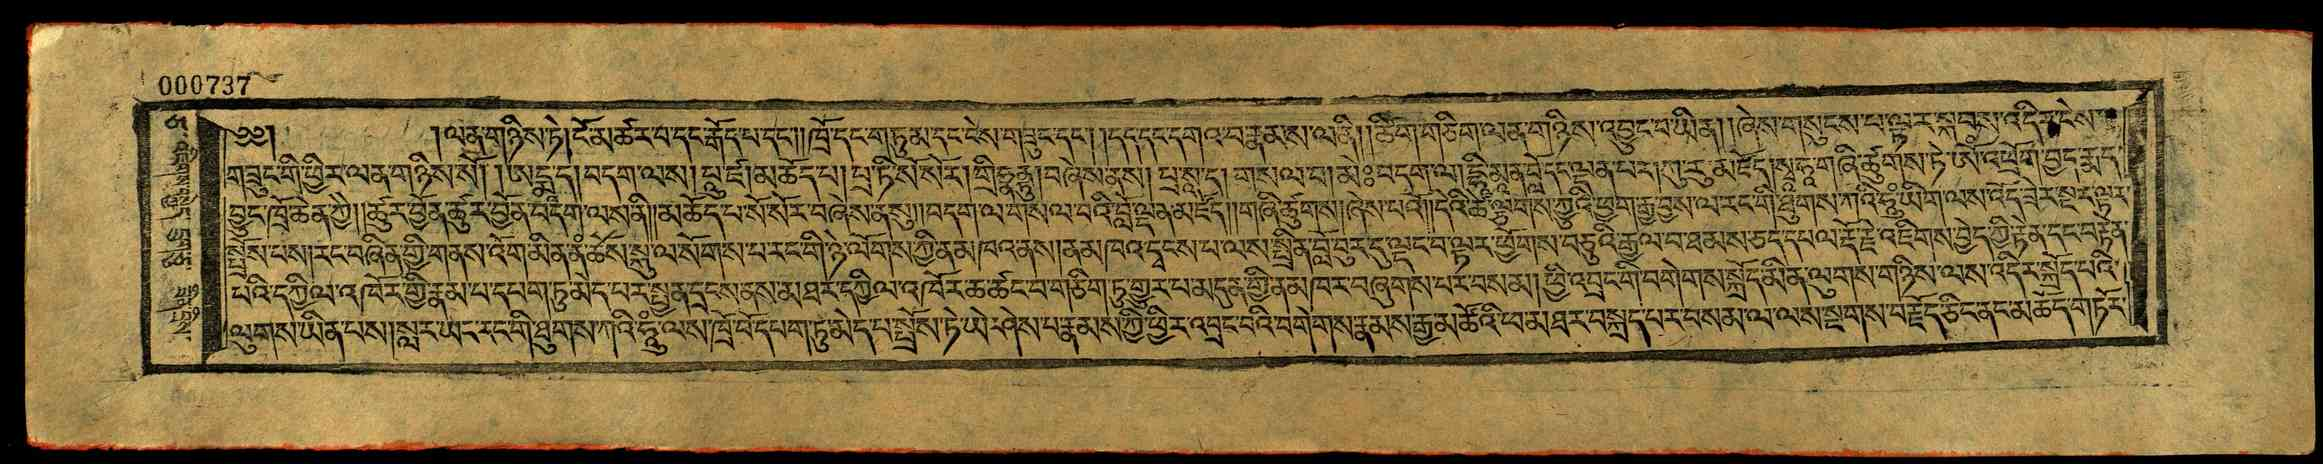༄༅། །ལན་གཉིས་ཏེ། ངོ་མཚར་བ་དང་རྒོད་པ་དང་། །ཁྲོ་དང་གཏུམ་དང་ངེས་གཟུང་དང་། །དད་དང་དགའ་བ་རྣམས་ལ་ནི། །ཚིག་གཅིག་ལན་གཉིས་འབྱུང་བ་ཡིན། །ཞེས་གསུངས་པ་ལྟར་སྐབས་འདིར་ངེས་
གཟུང་གི་ཕྱིར་ལན་གཉིས་སོ། །ཨདམཱ་ད། བདག་ལས། ?་།པཱུ་ཛ། མཆོད་པ། པྲ་ཏི་སོ་སོར། གྲིཧྣནྟུ། བཞེས་ནས། པྲ་སཱ་ད། གསལ་བ། མེ་H བདག་ལ། དྷི་མཱན་བློ་དང་ལྡན་པར། ཀུ་རུ་མཛོད། སྭཱ་ཧཱ་གཞི་ཚུགས་ཏེ་ཨོཾ་འཕྲོག་བྱེད་རྨད་
བྱུང་ཁྲོ་ཆེན་ཀྱཻ། །ཚུར་བྱོན་ཚུར་བྱོན་བདག་ལས་ནི། །མཆོད་པ་སོ་སོར་བཞེས་ནས་སུ། །བདག་ལ་གསལ་བའི་བློ་ལྡན་མཛོད། །གཞི་ཚུགས། ཞེས་པའོ། །དེའི་ཚེ་ལྕགས་ཀྱུའི་ཕྱག་རྒྱ་བྱས་ལ་རང་གི་ཐུགས་ཀའི་ཧཱུཾ་ཡིག་ལས་འོད་ཟེར་སྔར་ལྟར་
སྤྲོས་པས། རང་བཞིན་གྱི་གནས་འོག་མིན་ནི་ཆོས་སྐུ་ལ་སོགས་པ་རང་གི་ཉེ་ལོགས་ཀྱི་ནམ་མཁའ་ནས། ནམ་མཁའ་དྭངས་པ་ལས་སྤྲིན་བློ་བུར་དུ་ལྡང་བ་ལྟར་ཕྱོགས་བཅུའི་རྒྱལ་བ་ཐམས་ཅད་དཔལ་རྡོ་རྗེ་འཇིགས་བྱེད་ཀྱི་རྟེན་དང་བརྟེན་
པའི་དཀྱིལ་འཁོར་གྱི་རྣམ་པ་དཔག་ཏུ་མེད་པར་སྤྱན་དྲངས་ནས་མ་ཐའ་?་དཀྱིལ་འཁོར་ཆ་ཚང་བ་གཅིག་ཏུ་གྱུར་བ་མདུན་གྱི་ནམ་མཁར་བཞུགས་པར་བསམ། ཕྱི་འབྲང་གི་བགེགས་སྐྲོད་མིན་ལུགས་གཉིས་ལས་འདིར་སྐྲོད་པའི་
ལུགས་ཡིན་པས། སླར་ཡང་རང་གི་ཐུགས་ཀའི་ཧཱུཾ་ལས་ཁྲོ་བོ་དཔག་ཏུ་མེད་པ་སྤྲོས་ཏེ་ཡེ་ཤེས་པ་རྣམས་ཀྱི་ཕྱིར་འབྲང་བའི་བགེགས་རྣམས་རྒྱ་མཚོའི་ཕ་མཐར་བསྐྲད་པར་བསམ་ལ་ལས་སྔགས་བརྗོད་ཅིང་ནང་མཆོད་གཏོར་